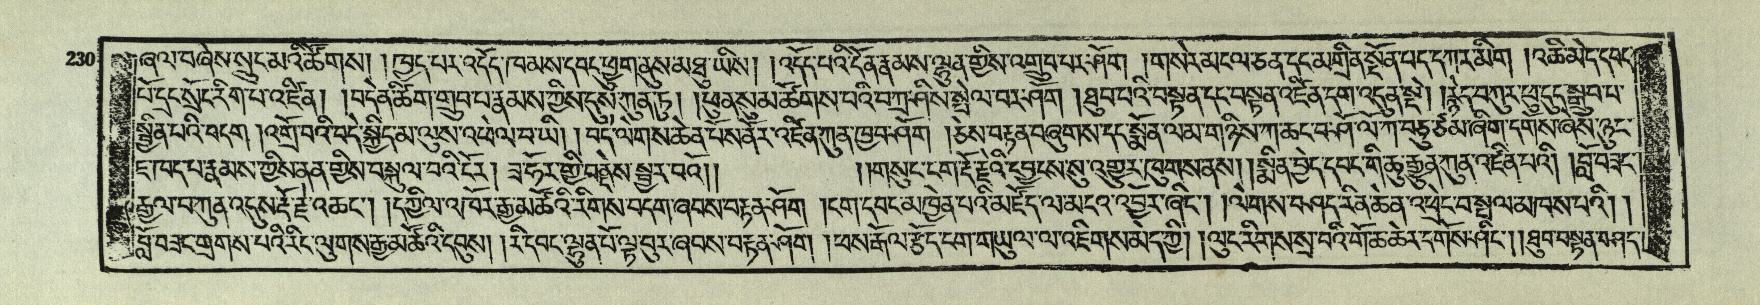ཞལ་བཞེས་སྲུང་མའི་ཚོགས། །ཁྱད་པར་འདོད་ཁམས་དབང་ཕྱུག་ནུས་མཐུ་ཡིས། །འདོད་པའི་དོན་རྣམས་ལྷུན་གྱིས་འགྲུབ་པར་ཤོག །གསེར་མངལ་ཅན་དང་མགྲིན་སྔོན་པད་དཀར་མིག །འཆི་མེད་དབང་
པོ་དྲང་སྲོང་རིག་པ་འཛིན། །བདེན་ཚིག་གྲུབ་པ་རྣམས་ཀྱིས་དུས་ཀུན་ཏུ། །ཕུན་སུམ་ཚོགས་པའི་བཀྲ་ཤིས་སྤེལ་བར་ཤོག །ཐུབ་པའི་བསྟན་དང་བསྟན་འཛིན་དག་འདུན་སྡེ། །རྙེད་བཀུར་ཕུ་དུད་སྒྲུབ་པ་
སྦྱིན་པའི་བདག །འགྲོ་བའི་བདེ་སྐྱིད་མ་ལུས་འཕེལ་བ་ཡི། །བདེ་ལེགས་ཆེན་པོས་ནོར་འཛིན་ཀུན་ཁྱབ་ཤོག །ཅེས་བརྟན་བཞུགས་དང་སྨོན་ལམ་གཉིས་ཀ་ཆང་བ་ཤོ་ལོ་ཀ་བཅུ་ཙམ་ཞིག་དགོས་ཞེས་ཉུང་
ཇ་ཁད་པ་རྣམས་ཀྱིས་ནན་གྱིས་བསྐུལ་བའི་ངོར། ཟ་ཧོར་གྱི་བནྡེས་སྦྱར་བའོ།། །།གསུང་ངག་རྡོ་རྗེའི་དབྱངས་སུ་འགྱུར་ཁུགས་ནས། །སྨིན་བྱེད་དབང་གི་ཆུ་རྒྱུན་ཀུན་འཛིན་པའི། །བློ་བཟང་
རྒྱལ་བ་ཀུན་འདུས་རྡོ་རྗེ་འཆང་། །དཀྱིལ་འཁོར་རྒྱ་མཚོའི་རིགས་བདག་ཞབས་བརྟན་ཤོག། །ངག་དབང་མཁྱེན་པའི་མཛོད་ལ་མངའ་འབྱོར་ཞིང་། །ལེགས་བཤད་རིན་ཆེན་འཕྲེང་བ་སྤལ་མཁས་པའི། །
བློ་བཟང་གྲགས་པའི་རིང་ལུགས་རྒྱ་མཚོའི་དབུས། །རི་དབང་ལྷུན་པོ་ལྟ་བུར་ཞབས་བརྟན་ཤོག །ཕས་རྒོལ་རྩོད་ངག་གཡུལ་ལ་འཇིགས་མེད་ཀྱི། །ལུང་རིགས་སྲ་བའི་གོ་ཆ་དགོས་ཤིང་། །ཐུབ་བསྟན་བཤད་